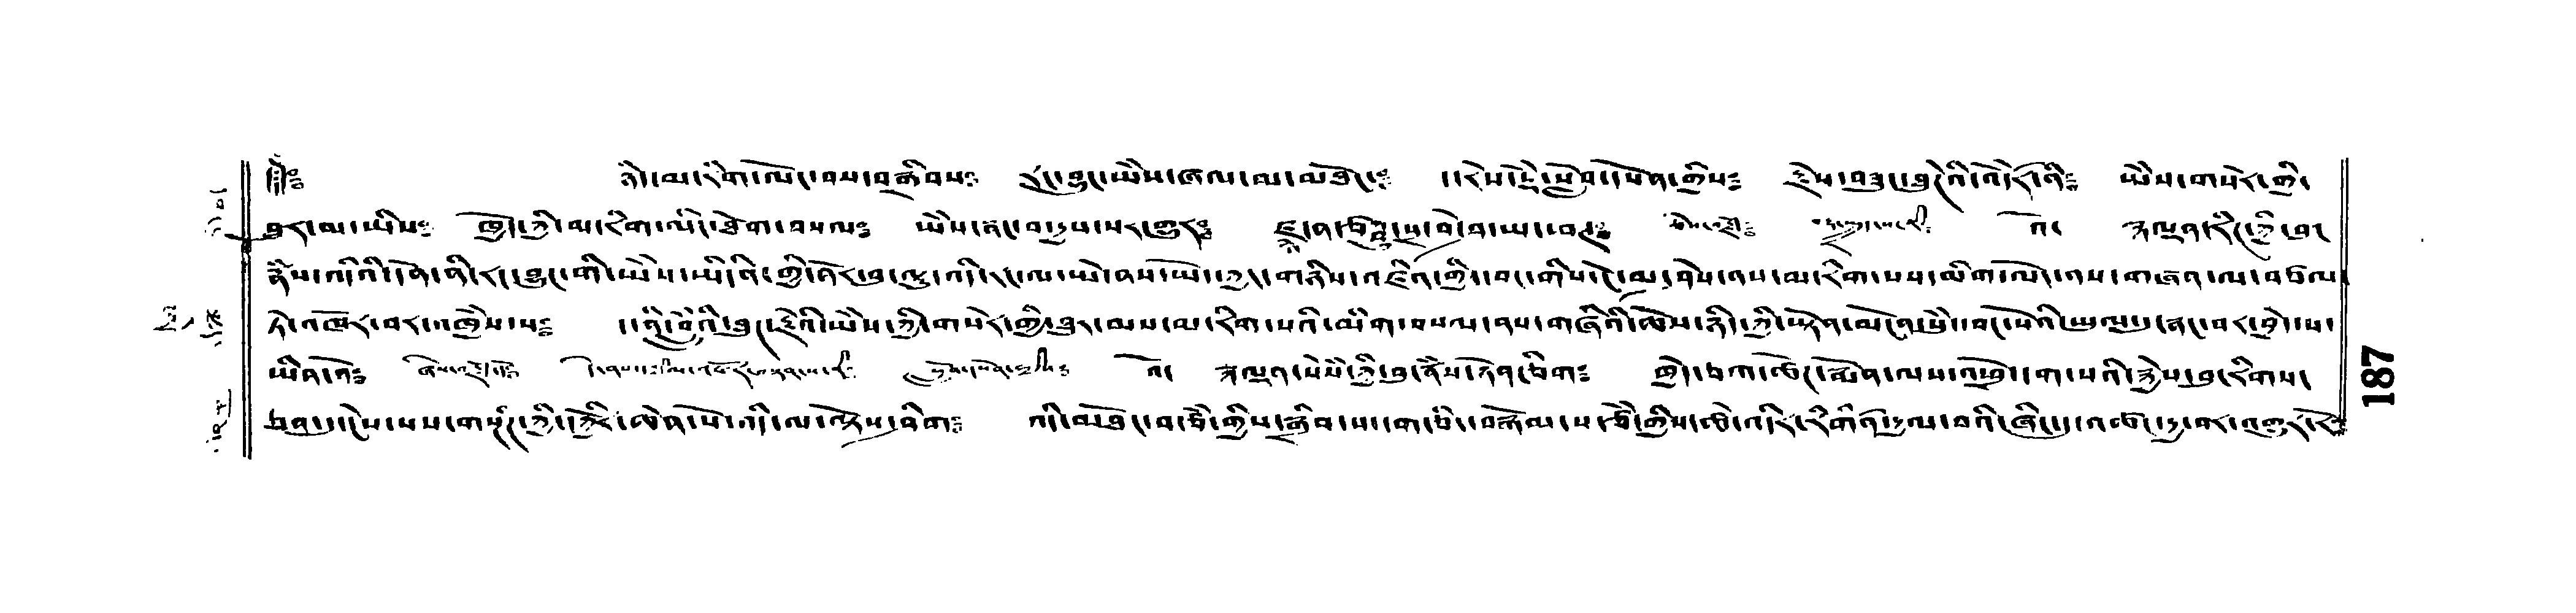ཉིད་མ་རིག་ལོང་བས་བསྒྲིབས༔ རང་བྱུང་ཡེ་ཤེས་ཞལ་མ་མཐོང༔ ད་རེས་རྡོ་རྗེ་སློབ་དཔོན་གྱིས༔ རྗེས་བཟུང་ཐུགས་རྗེའི་འོད་ཟེར་ནི༔ ཡེ་ཤེས་གསེར་གྱི་
ཐུར་མ་ཡིས༔ ཁྱོད་ཀྱི་མ་རིག་ལིང་ཐོག་བསལ༔ ཡེ་ཤེས་སྣང་བ་རྒྱས་པར་གྱུར༔ ཛྙཱ་ན་ཙཀྵུ་པྲ་བེ་ཤ་ཡ་ཕཊ༔ ཅེས་བརྗོད༔ བརྡ་སྤྲད་པ་ནི༔ འོ༔ སྐལ་ལྡན་རིགས་ཀྱི་བུ་
རྣམས་འདིའི་དོན་ནི་རང་བྱུང་གི་ཡེ་ཤེས་ཡིད་བཞིན་གྱི་ནོར་བུ་ལྟ་བུ་འདི་རང་ལ་ཡེ་ནས་ཡོད་ཀྱང་གཉིས་འཛིན་གྱི་དབང་གིས་ངོ་མ་ཤེས་ནས་མ་རིག་པས་མིག་ལོང་ནས་གཞན་ལ་བཙལ་
ཏེ་འཁོར་བར་འཁྱམས་པ༔ ད་ནི་བླ་མའི་ཐུགས་རྗེའི་ཡེ་ཤེས་ཀྱི་གསེར་གྱི་ཐུར་མས་མ་རིག་པའི་མིག་བསལ་ནས་གཞིའི་ཆོས་ཉིད་ཀྱི་ཡོན་ཏན་མངོན་སུམ་དབང་པོའི་ཡུལ་དུ་སྣང་བར་བྱེད་པ་
ཡིན་ནོ༔ ཞེས་བརྗོད་དོ༔ དེ་ནས་དཀྱིལ་འཁོར་བསྟན་པ་ནི༔ སློབ་དཔོན་གྱིས༔ འོ༔ སྐལ་ལྡན་སེམས་ཀྱི་བུ་རྣམས་ཉོན་ཅིག༔ ཁྱེད་ཅག་ཚོགས་སྨོན་ལས་འཕྲོ་དག་པའི་སྐྱེས་བུ་རིགས་
ཅན་དུ་ངེས་པས་གསང་སྔགས་ཀྱི་དཀྱིལ་འཁོར་ཆེན་པོ་འདི་ལ་ལྟོས་ཤིག༔ འདི་མཐོང་བ་ཙམ་གྱིས་སྒྲིབ་པ་དག་ཅིང་སྒོམ་པ་ཙམ་གྱིས་ཚེ་འདིར་རིག་འཛིན་རྒྱལ་བའི་ཞིང་དུ་འཚང་རྒྱ་བར་འགྱུར་རོ༔